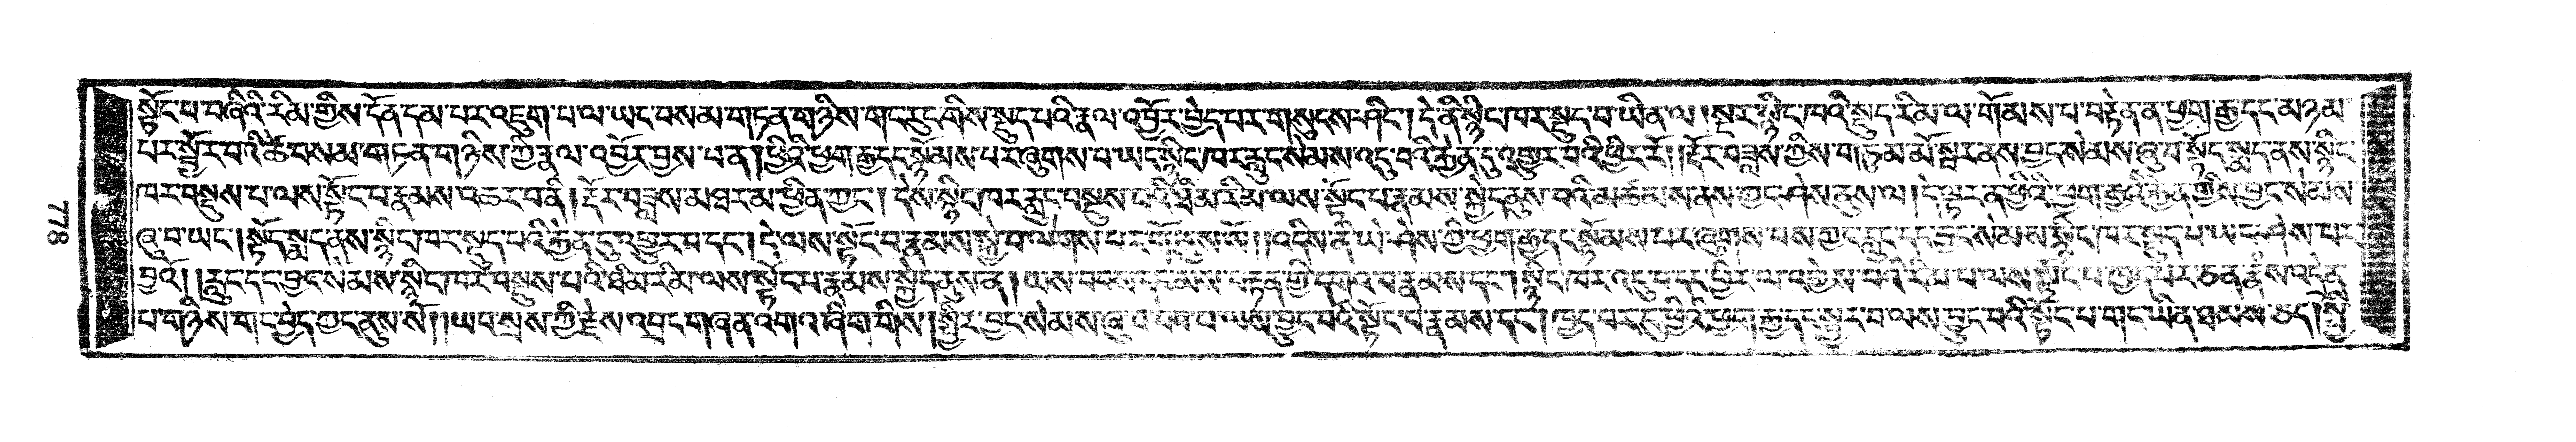སྟོང་པ་བཞིའི་རིམ་གྱིས་དོན་དམ་པར་འཇུག་པ་ལ་ཡང་བསམ་གཏན་གཉིས་གང་རུང་གིས་སྡུད་པའི་རྣལ་འབྱོར་བྱེད་པར་གསུངས་ཤིང་། དེ་ནི་སྙིང་ཁར་སྡུད་པ་ཡིན་ལ། སྔར་སྙིང་ཁའི་སྡུད་རིམ་ལ་གོམས་པ་བརྟེན་ན་ཕྱག་རྒྱ་དང་མཉམ་
པར་སྦྱོར་བའི་ཚེ་བསམ་གཏན་གཉིས་ཀྱི་རྣལ་འབྱོར་བྱས་པ་ན། ཕྱིའི་ཕྱག་རྒྱ་དང་སྙོམས་པར་ཞུགས་པ་ཡང་སྙིང་ཁར་རླུང་སེམས་འདུ་བའི་རྐྱེན་དུ་འགྱུར་བའི་ཕྱིར་རོ། །རྡོར་བཟླས་ཀྱིས་གཏུམ་མོ་སྦར་ནས་བྱང་སེམས་ཞུ་བ་སྟོད་སྨད་ནས་སྙིང་
ཁར་བསྡུས་པ་ལས་སྟོང་པ་རྣམས་འཆར་བ་ནི། རྡོར་བཟླས་མཐར་མ་ཕྱིན་ཀྱང་། དེས་སྙིང་ཁར་རླུང་བསྡུས་པའི་ཐིམ་རིམ་ལས་སྟོང་པ་རྣམས་སྐྱེད་ནུས་པའི་མཚམས་ནས་ཀྱང་ཤེས་ནུས་ལ། དེ་ལྟར་ན་ཕྱིའི་ཕྱག་རྒྱའི་རྐྱེན་གྱིས་བྱང་སེམས་
ཞུ་བ་ཡང་། སྟོད་སྨད་ནས་སྙིང་ཁར་སྡུད་པའི་རྐྱེན་དུ་འགྱུར་བ་དང་། དེ་ལས་སྟོང་པ་རྣམས་སྐྱེ་བ་ལེགས་པར་གོ་ནུས་སོ། །འདིས་ནི་ཡེ་ཤེས་ཀྱི་ཕྱག་རྒྱ་དང་སྙོམས་པར་ཞུགས་པས་ཀྱང་རླུང་དང་བྱང་སེམས་སྙིང་ཁར་སྡུད་པ་ཡང་ཤེས་པར་
བྱའོ། །རླུང་དང་བྱང་སེམས་སྙིང་ཁར་བསྡུས་པའི་ཐིམ་རིམ་ལས་སྟོང་པ་རྣམས་སྐྱེད་ནུས་ན། ཡས་བབས་དང་མས་བརྟན་གྱི་དགའ་བ་རྣམས་དང་། སྙིང་ཁར་འདུ་བ་དང་ཕྱིར་ལ་འགྱེས་པའི་རིམ་པ་ལས་སྟོང་པ་ཁྱད་པར་ཅན་རྣམས་འདྲེན་
པ་གཉིས་གང་བྱེད་ཀྱང་ནུས་སོ། །ཡབ་སྲས་ཀྱི་རྗེས་འབྲང་གཞན་འགའ་ཞིག་གིས། སྤྱིར་བྱང་སེམས་ཞུ་བ་བབ་པ་ལས་བྱུང་བའི་སྟོང་པ་རྣམས་དང་། ཁྱད་པར་དུ་ཕྱིའི་ཕྱག་རྒྱ་དང་སྦྱར་བ་ལས་བྱུང་བའི་སྟོང་པ་གང་ཡིན་ཐམས་ཅད། སྤྱི་